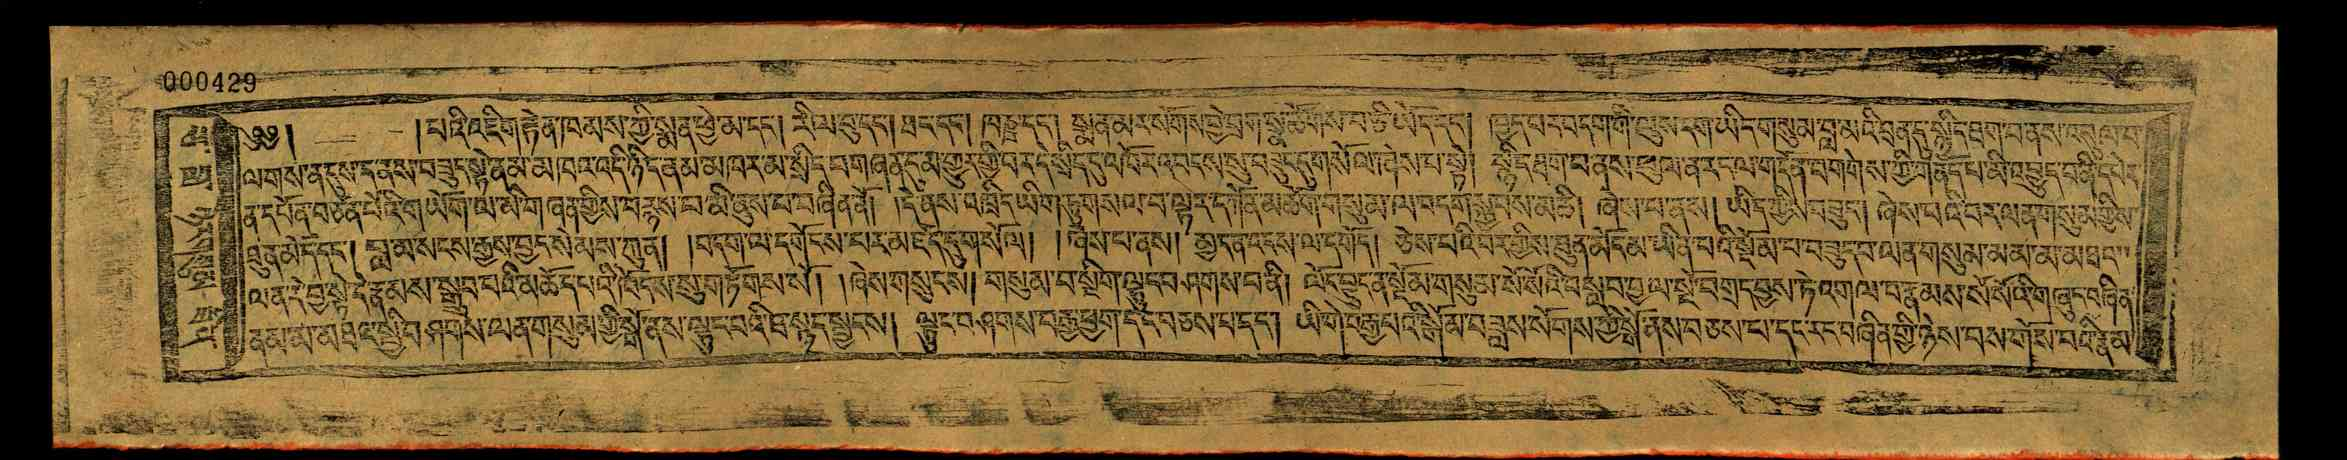༄༅། །པའི་འཇིག་རྟེན་ཁམས་ཀྱི་སྨན་ཕྱེ་མ་དང་། རིལ་བུ་དང་། ཐང་དང་། ཁཎྜ་དང་། སྨན་མར་སོགས་བྱེ་བྲག་སྣ་ཚོགས་པ་ཅི་ཡོད་དང་། ཁྱད་པར་བདག་གི་ལུས་ངག་ཡིད་གསུམ་བླ་མའི་བྲན་དུ་སྙིང་ཐག་པ་ནས་འབུལ་བ་
ལགས་ན་དུས་ད་ནས་བཟུང་སྟེ་ནམ་མཁའ་འདི་ཉིད་ནམ་མཁར་མ་སྲིད་པ་གཞན་དུ་མ་གྱུར་གྱི་བར་དེ་སྲིད་དུ་འཁོར་འབངས་སུ་བཟུང་དུ་གསོལ་ཞེས་པ་སྟེ། སྙིང་ཐག་པ་ནས་ཕུལ་ན་རང་ལ་གདོན་བགེགས་ཀྱི་གནོད་པ་མི་འབྱུང་བ་ནི་དཔེར་
ན་དཔོན་བཙན་པོའི་གཡོག་ལ་མི་གཞན་གྱིས་བརྙས་པ་མི་ནུས་པ་བཞིན་ནོ། །དེ་ནས་འཁྲིད་ཡིག་ཏུ་གསལ་བ་ལྟར་དཀོན་མཆོག་གསུམ་ལ་བདག་སྐྱབས་མཆི། ཞེས་པ་ནས། ཡིད་ཀྱིས་བཟུང་། ཞེས་པའི་བར་ལན་གསུམ་གྱིས་
ཐུན་མོང་དང་། བླ་མ་སངས་རྒྱས་བྱང་སེམས་ཀུན། །བདག་ལ་དགོངས་པར་མཛད་དུ་གསོལ། །ཞེས་པ་ནས། མྱ་ངན་འདས་ལ་དགོད། ཅེས་པའི་བར་གྱིས་ཐུན་མོང་མ་ཡིན་པའི་སྡོམ་པ་བཟུང་བ་ལན་གསུམ་མམ་མ་མཐའ་
ལན་རེ་བྱ་སྟེ་དེ་རྣམས་སྒྲུབ་པའི་མཆོད་པའི་ཁོངས་སུ་གཏོགས་སོ། །ཞེས་གསུངས། གསུམ་པ་སྡིག་ལྟུང་བཤགས་པ་ནི། ལོང་བྱུང་ན་སྡོམ་གསུམ་སོ་སོའི་བསླབ་བྱ་ལ་སྔོ་བགྲང་བྱས་ཏེ་འགལ་བ་རྣམས་སོ་སོའི་གཞུང་བཞིན་
ནམ་མ་མཐའ་སྤྱི་བཤགས་ལན་གསུམ་གྱི་སྒོ་ནས་ལྟུང་བའི་ཐ་སྙད་སྦྱངས། ལྟུང་བཤགས་བརྒྱ་ཕྱག་དང་བཅས་པ་དང་། ཡི་གེ་བརྒྱ་པའི་སྒོམ་བཟླས་སོགས་ཀྱི་སྒོ་ནས་བཅས་པ་དང་རང་བཞིན་གྱི་ཉེས་པས་གོས་པའི་རྣམ་